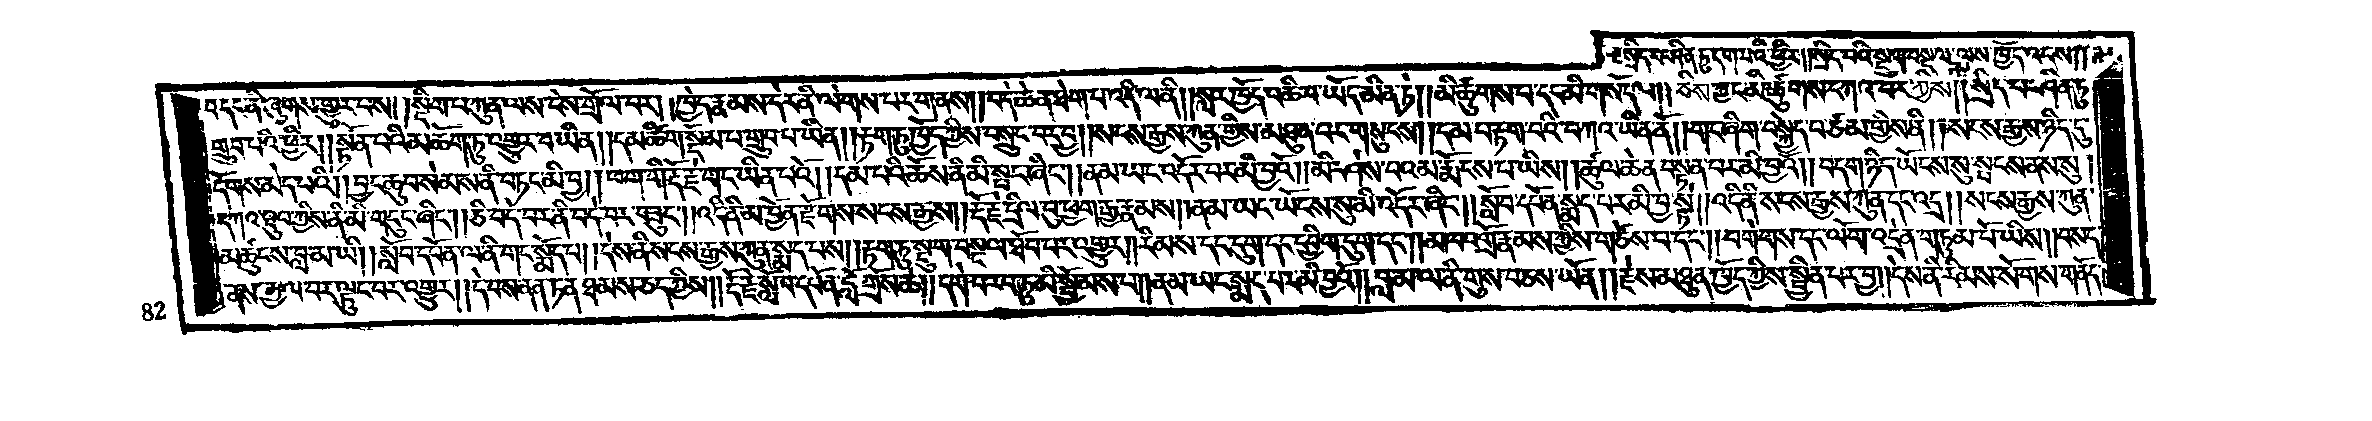བ་དང་ནི་ཞུགས་གྱུར་པས། །སྡིག་པ་ཀུན་ལས་ངེས་གྲོལ་བར། །ཁྱེད་རྣམས་དེར་ནི་ལེགས་པར་གནས། །བདེ་ཆེན་ཐེག་པ་འདི་ལ་ནི། །སླར་ཁྱོད་འཆི་བ་ཡོད་མིན་ཏེ། །མི་ཚུགས་པ་དང་མི་གསོད་པ། །ཅིས་ཀྱང་མི་ཚུགས་དཀའ་བར་གྱིས། །སྲིད་དང་ཤིན་ཏུ་དག་པའི་ཕྱིར། །སྲིད་པའི་སྡུག་བསྔལ་ལས་ཁྱོད་འདས། །སྲིད་པ་ཤིན་ཏུ་
གྲུབ་པའི་ཕྱིར། །སྟོན་པའི་མཆོག་ཏུ་འགྱུར་བ་ཡིན། །དམ་ཚིག་སྡོམ་པ་གྲུབ་པ་ཡིན། །རྟག་ཏུ་ཁྱོད་ཀྱིས་བསྲུང་བར་བྱ། །སངས་རྒྱས་ཀུན་གྱིས་མཐུན་པར་གསུངས། །དམ་པ་རྟག་པའི་བཀའ་ཡིན་ནོ། །གང་ཞིག་བསྐྱེད་པ་ཙམ་གྱིས་ནི། །སངས་རྒྱས་ཉིད་དུ་
དོགས་མེད་པའི། །བྱང་ཆུབ་སེམས་ནི་བཏང་མི་བྱ། །ཕག་གི་རྡོ་རྗེ་གང་ཡིན་པའོ། །དམ་པའི་ཆོས་ནི་མི་སྤང་ཞིང་། །ནམ་ཡང་འདོར་བར་མི་བྱའོ། །མི་ཤེས་པའམ་རྨོངས་པ་ཡིས། །ཚུལ་ཆེན་བསྟན་པར་མི་བྱའོ། །བདག་ཉིད་ཡོངས་སུ་སྤངས་ནས་སུ།
དཀའ་ཐུབ་ཀྱིས་ནི་མི་གདུང་ཞིང་། །ཅི་བདེ་བར་ནི་བདེ་བར་བཟུང་། །འདི་ནི་མ་བྱོན་རྫོགས་སངས་རྒྱས། །རྡོ་རྗེ་དྲིལ་བུ་ཕྱག་རྒྱ་རྣམས། །ནམ་ཡང་ཡོངས་སུ་མི་འདོར་ཞིང་། །སློབ་དཔོན་སྨད་པར་མི་བྱ་སྟེ། །འདི་ནི་སངས་རྒྱས་ཀུན་དང་འདྲ། །སངས་རྒྱས་ཀུན་
མཚུངས་བླ་མ་ཡི། །སློབ་དཔོན་ལ་ནི་གང་སྨོད་པ། །དེས་ནི་སངས་རྒྱས་ཀུན་སྨད་པས། །རྟག་ཏུ་སྡུག་བསྔལ་ཐོབ་པར་འགྱུར། །རིམས་དང་དུག་དང་དབྱིག་དུག་དང་། །མཁའ་འགྲོ་རྣམས་ཀྱིས་གཙེས་པ་དང་། །བགེགས་དང་ལོག་འདྲེན་གཏུམ་པོ་ཡིས། །བསད་
ནས་རྒྱལ་བར་ལྟུང་བར་འགྱུར། །དེ་བས་ནན་ཏན་ཐམས་ཅད་ཀྱིས། །རྡོ་རྗེ་སློབ་དཔོན་བློ་གྲོས་ཆེ། །དགེ་བ་རབ་ཏུ་མི་སྦྱོམས་པ། །ནམ་ཡང་སྨད་པར་མི་བྱའོ། །བླ་མ་ལ་ནི་གུས་བཅས་ཡོན། །རྗེས་མཐུན་ཁྱོད་ཀྱིས་སྦྱིན་པར་བྱ། །དེས་ནི་རིམས་སོགས་གནོད་